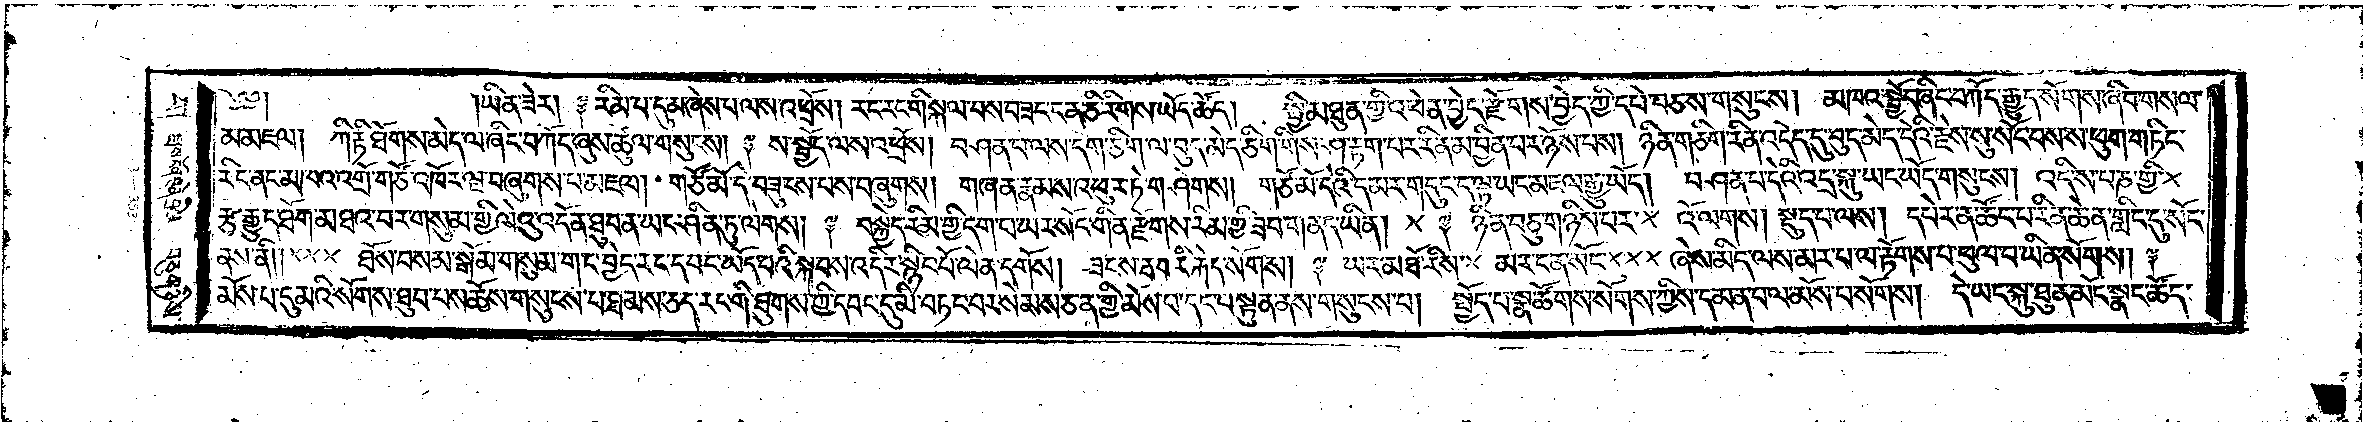༄༅། །ཡིན་ཟེར། ༈ རིམ་པ་དུ་མ་ཞེས་པ་ལས་འཕྲོས། རང་རང་གི་སྐལ་བས་བཟང་ངན་ཅི་རིགས་ཡོད་ཚོད། སྤྱི་མཐུན་གྱི་འཕེན་བྱེད་རྫོགས་བྱེད་ཀྱི་དཔེ་བཅས་གསུངས། མཁའ་སྦྱོང་ཞིང་བཀོད་རྒྱུད་སོགས་ཞིབ་གསལ་
མ་མཇལ། ཀིརྟི་ཐོགས་མེད་ལ་ཞིང་བཀོད་ཞུས་ཚུལ་གསུངས། ༈ ས་སྤྱོད་ལས་འཕྲོས། བཤན་པ་ལས་དག་ཅིག་ལ་བུད་མེད་ཅིག་གིས་ཤ་རྟག་པར་རིན་མ་བྱིན་པར་ཉོས་པས། ཉིན་གཅིག་རིན་འདོད་དུ་བུད་མེད་དེའི་རྗེས་སུ་སོང་བས་ས་ཕུག་གཏིང་
རིང་ནས་མཁའ་འགྲོ་གཙོ་འཁོར་ལྔ་བཞུགས་པ་མཇལ། གཙོ་མོ་དེ་བཟུངས་པས་བཞུགས། གཞན་རྣམས་འཕུར་ཏེ་གཤེགས། གཙོ་མོ་དེའི་དམར་གདུང་ད་ལྟ་ཡང་མཇལ་རྒྱུ་ཡོད། བཤན་པ་དེའི་འདྲ་སྐུ་ཡང་ཡོད་གསུངས། འདི་ས་པཎ་གྱི་྾་
རྩ་རྒྱུད་ཐོག་མཐའ་བར་གསུམ་གྱི་ལེའུ་འདོན་ཐུབ་ན་ཡང་ཤིན་ཏུ་ལེགས། ༈ བསྐྱེད་རིམ་གྱི་དག་པ་ཡར་སོང་གི་རྫོགས་རིམ་གྱི་ཟབ་གནད་ཡིན། ྾་༈ ཉིན་བཅུ་གཉིས་པར་྾་འོ་ལགས། སྡུད་པ་ལས། དཔེར་ན་ཚོང་པ་རིན་ཆེན་གླིང་དུ་སོང་
ནས་ནི།། ྾྾྾་ཐོས་བསམ་སྒོམ་གསུམ་གང་བྱེད་རང་དབང་མོད་པའི་སྐབས་འདིར་སྙིང་པོ་ལེན་དགོས། ཟངས་རྡབ་རི་རྐེད་སོགས། ཡར་མཐོ་རིས་྾་མར་ངན་སོང་྾྾྾་ཞེས་མིད་ལས་མར་པ་ལ་རྟོགས་པ་ཕུལ་བ་ཡིན་སོགས། ༈
མོས་པ་དུ་མའི་སོགས་ཐུབ་པས་ཆོས་གསུངས་པ་ཐམས་ཅད་རང་གི་ཐུགས་ཀྱི་དབང་དུ་མི་བཏང་བར་སེམས་ཅན་གྱི་མོས་པ་དང་བསྟུན་ནས་གསུངས་པ། སྤྱོད་པ་སྣ་ཚོགས་སོགས་ཀྱིས་དམན་པ་ལ་མོས་པ་སོགས། དེ་ཡང་སྐུ་ཐུན་མོང་སྣང་ཆོད་